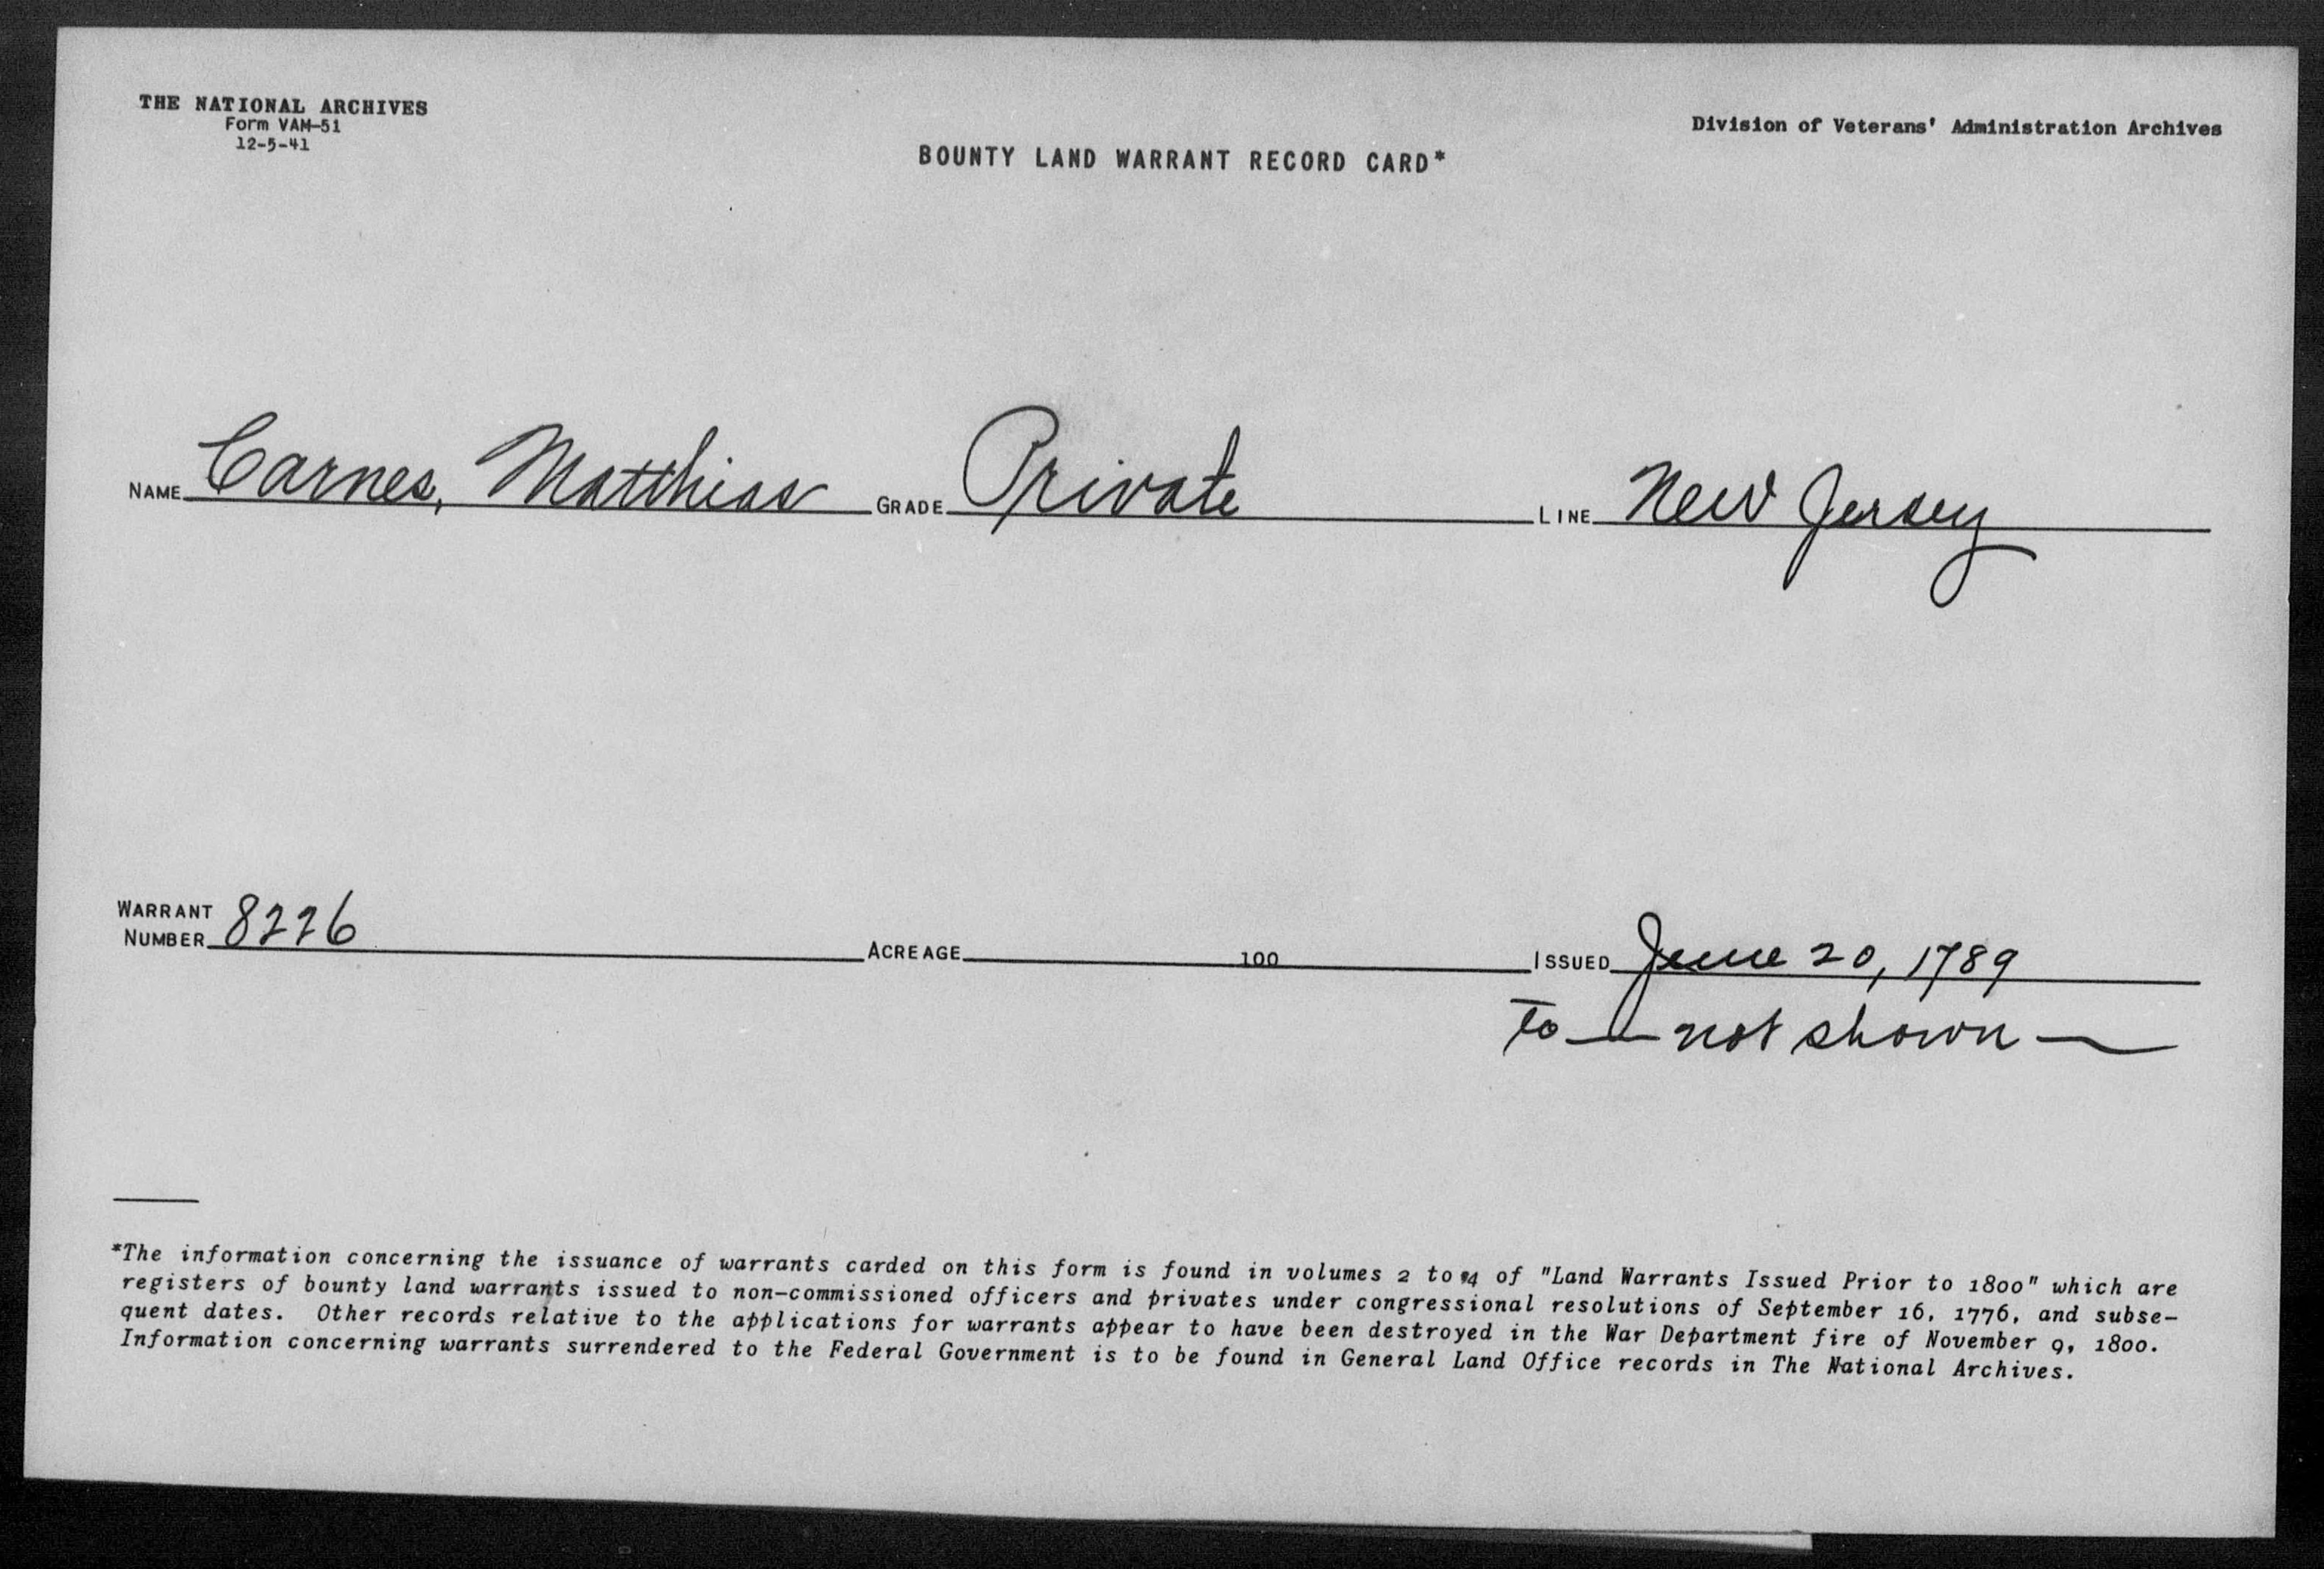Bounty Land Warrant Record Card*
Name Carnes, Matthias  
Grade Private   
Line: New Jersey
Warrant Number: 8226     
Acreage 100  
Issued June 20, 1789
To not shown
*The information concerning the issuance of warrants carded on this form is found in volumes 2 to 94 of “Land Warrants Issued Prior to 1800” which are registers of bounty land warrants issued to non-commissioned officers and private under congressional resolutions of September 16, 1776, and subsequent dates. Other records relative to the applications for warrants appear to have been destroyed in the War Department fire of November 9, 1800. Information concerning warrants surrendered to the Federal Government is to be found in General Land Office records in The National Archives.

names: Matthias Carnes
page: 22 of 22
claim: rejected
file: R 1709, Joshua Carnes, Va.